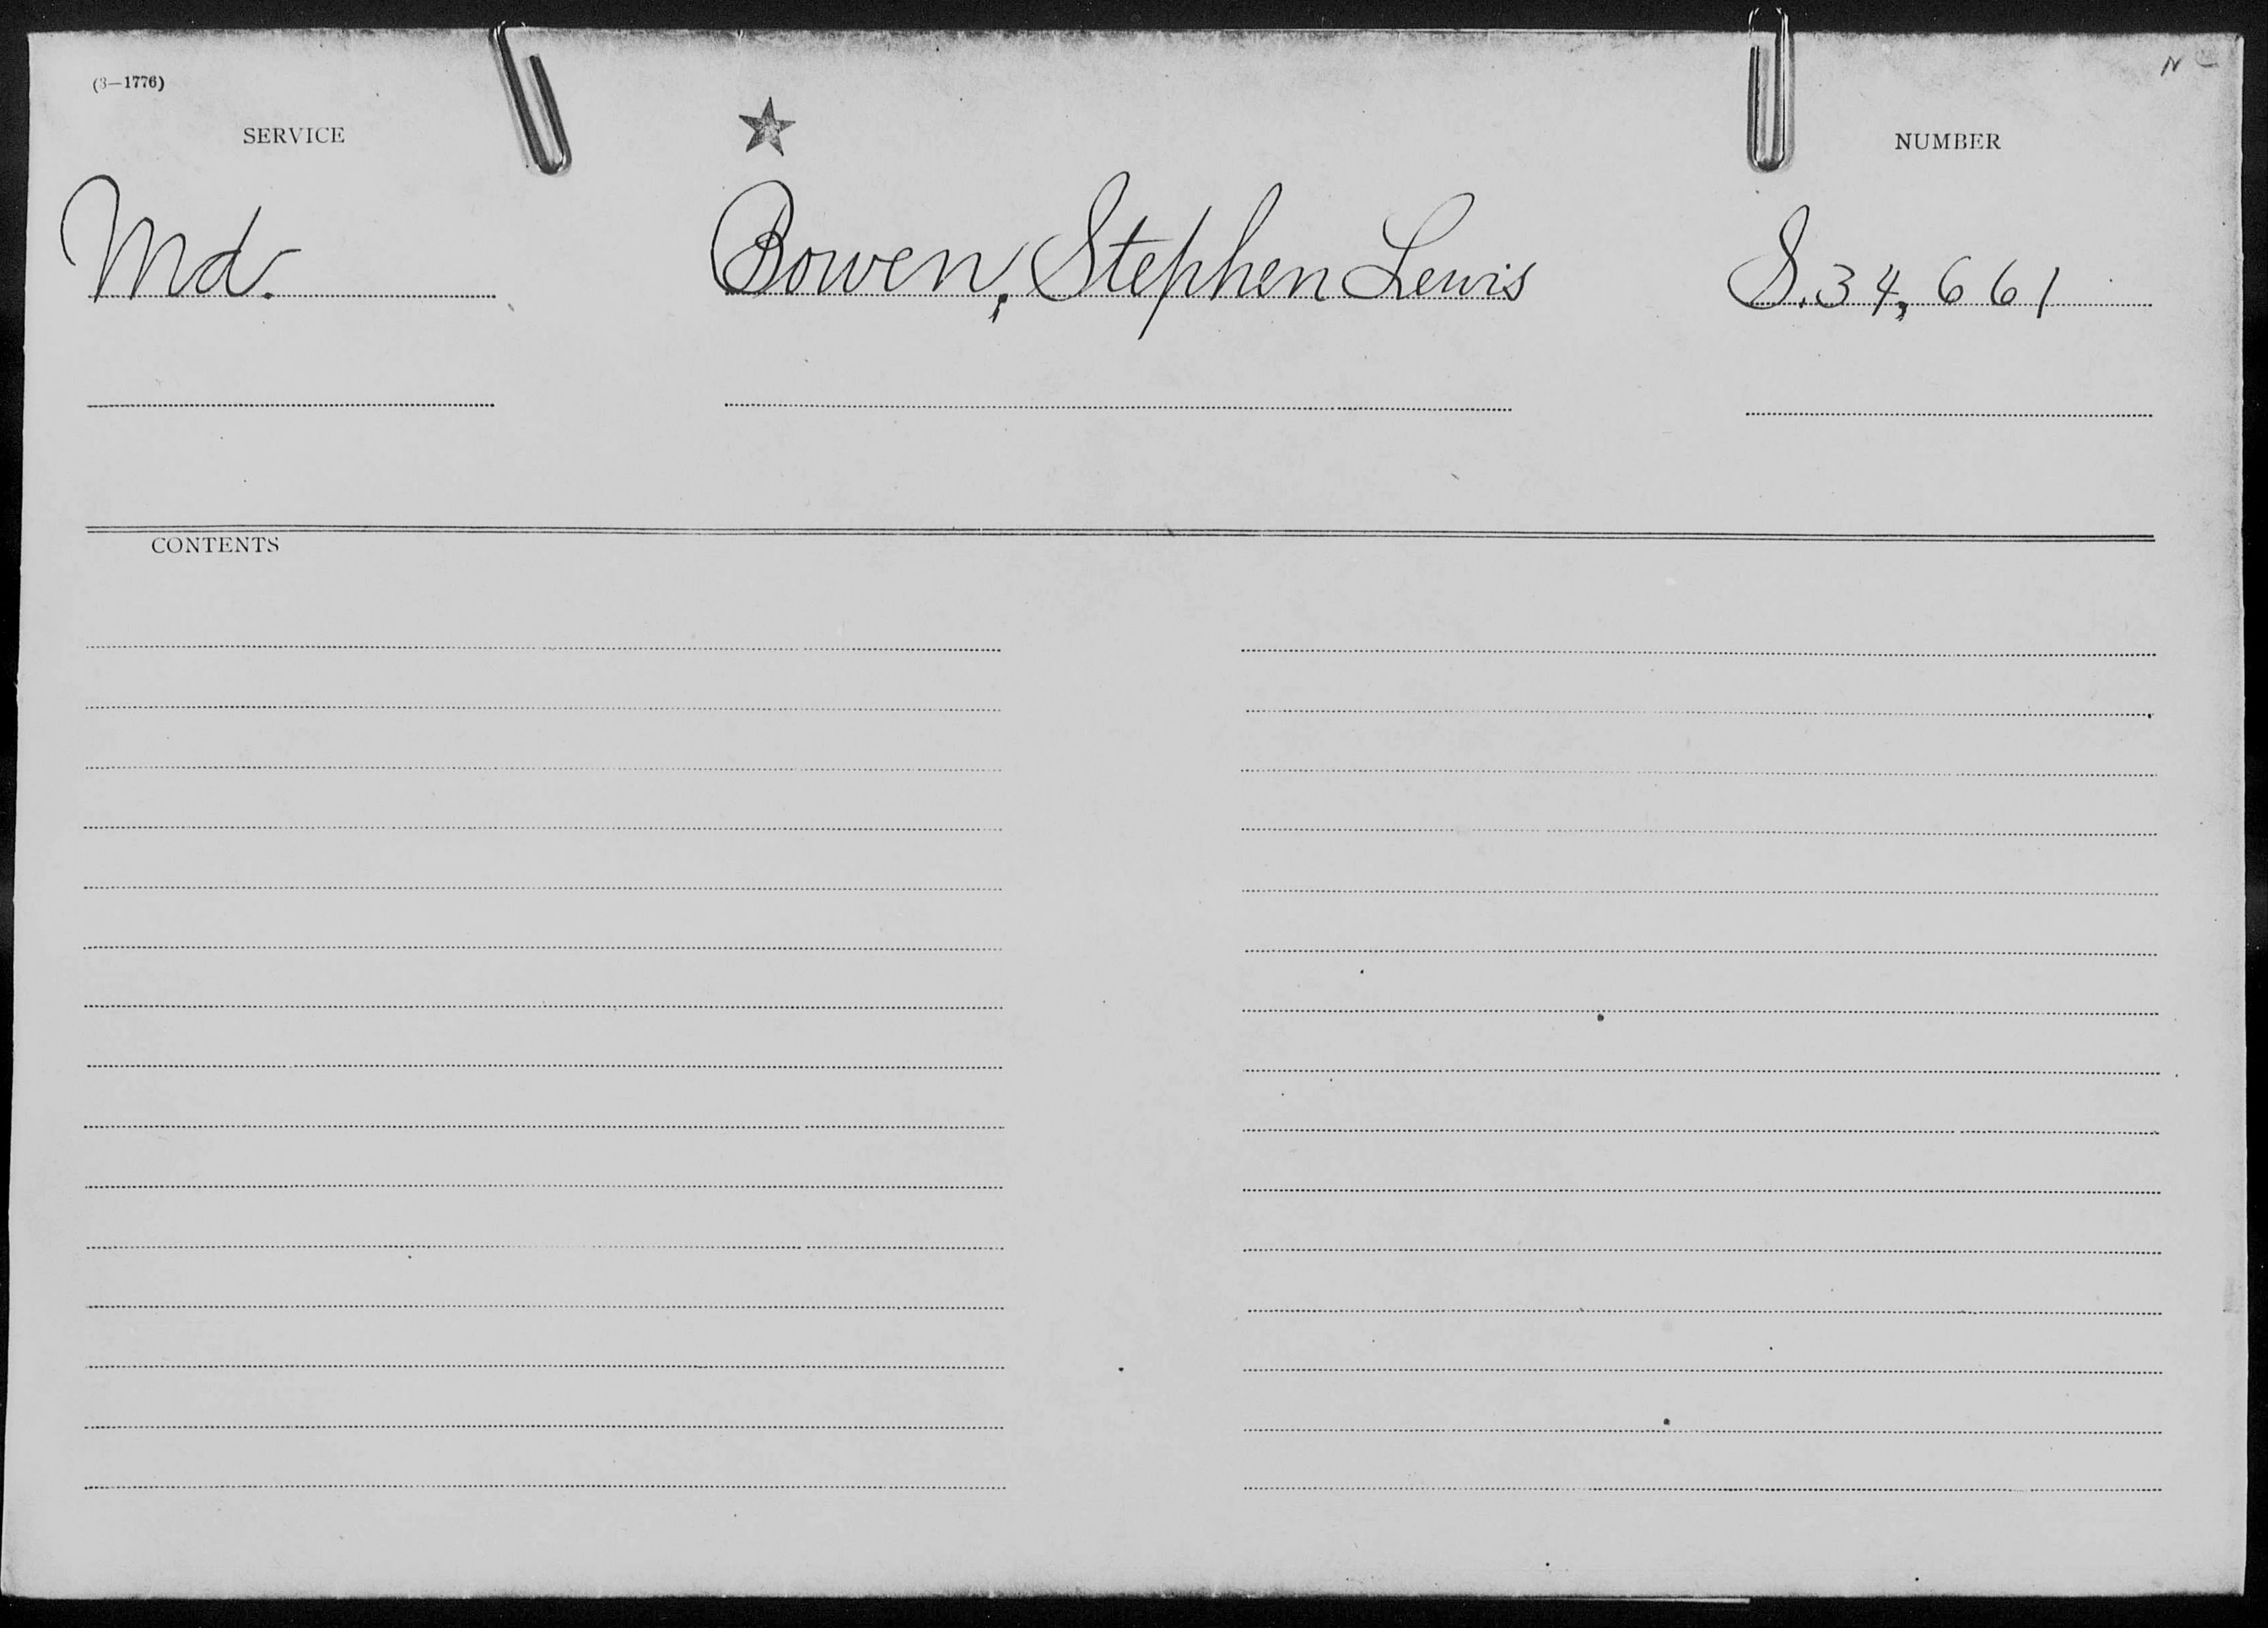(3-1776)

SERVICE    NUMBER
Md.    Bowen, Stephen Lewis  S.34,661

CONTENTS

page: 1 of 11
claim: survivor's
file: S. 34,661, Stephen Lewis Bowen, Md.